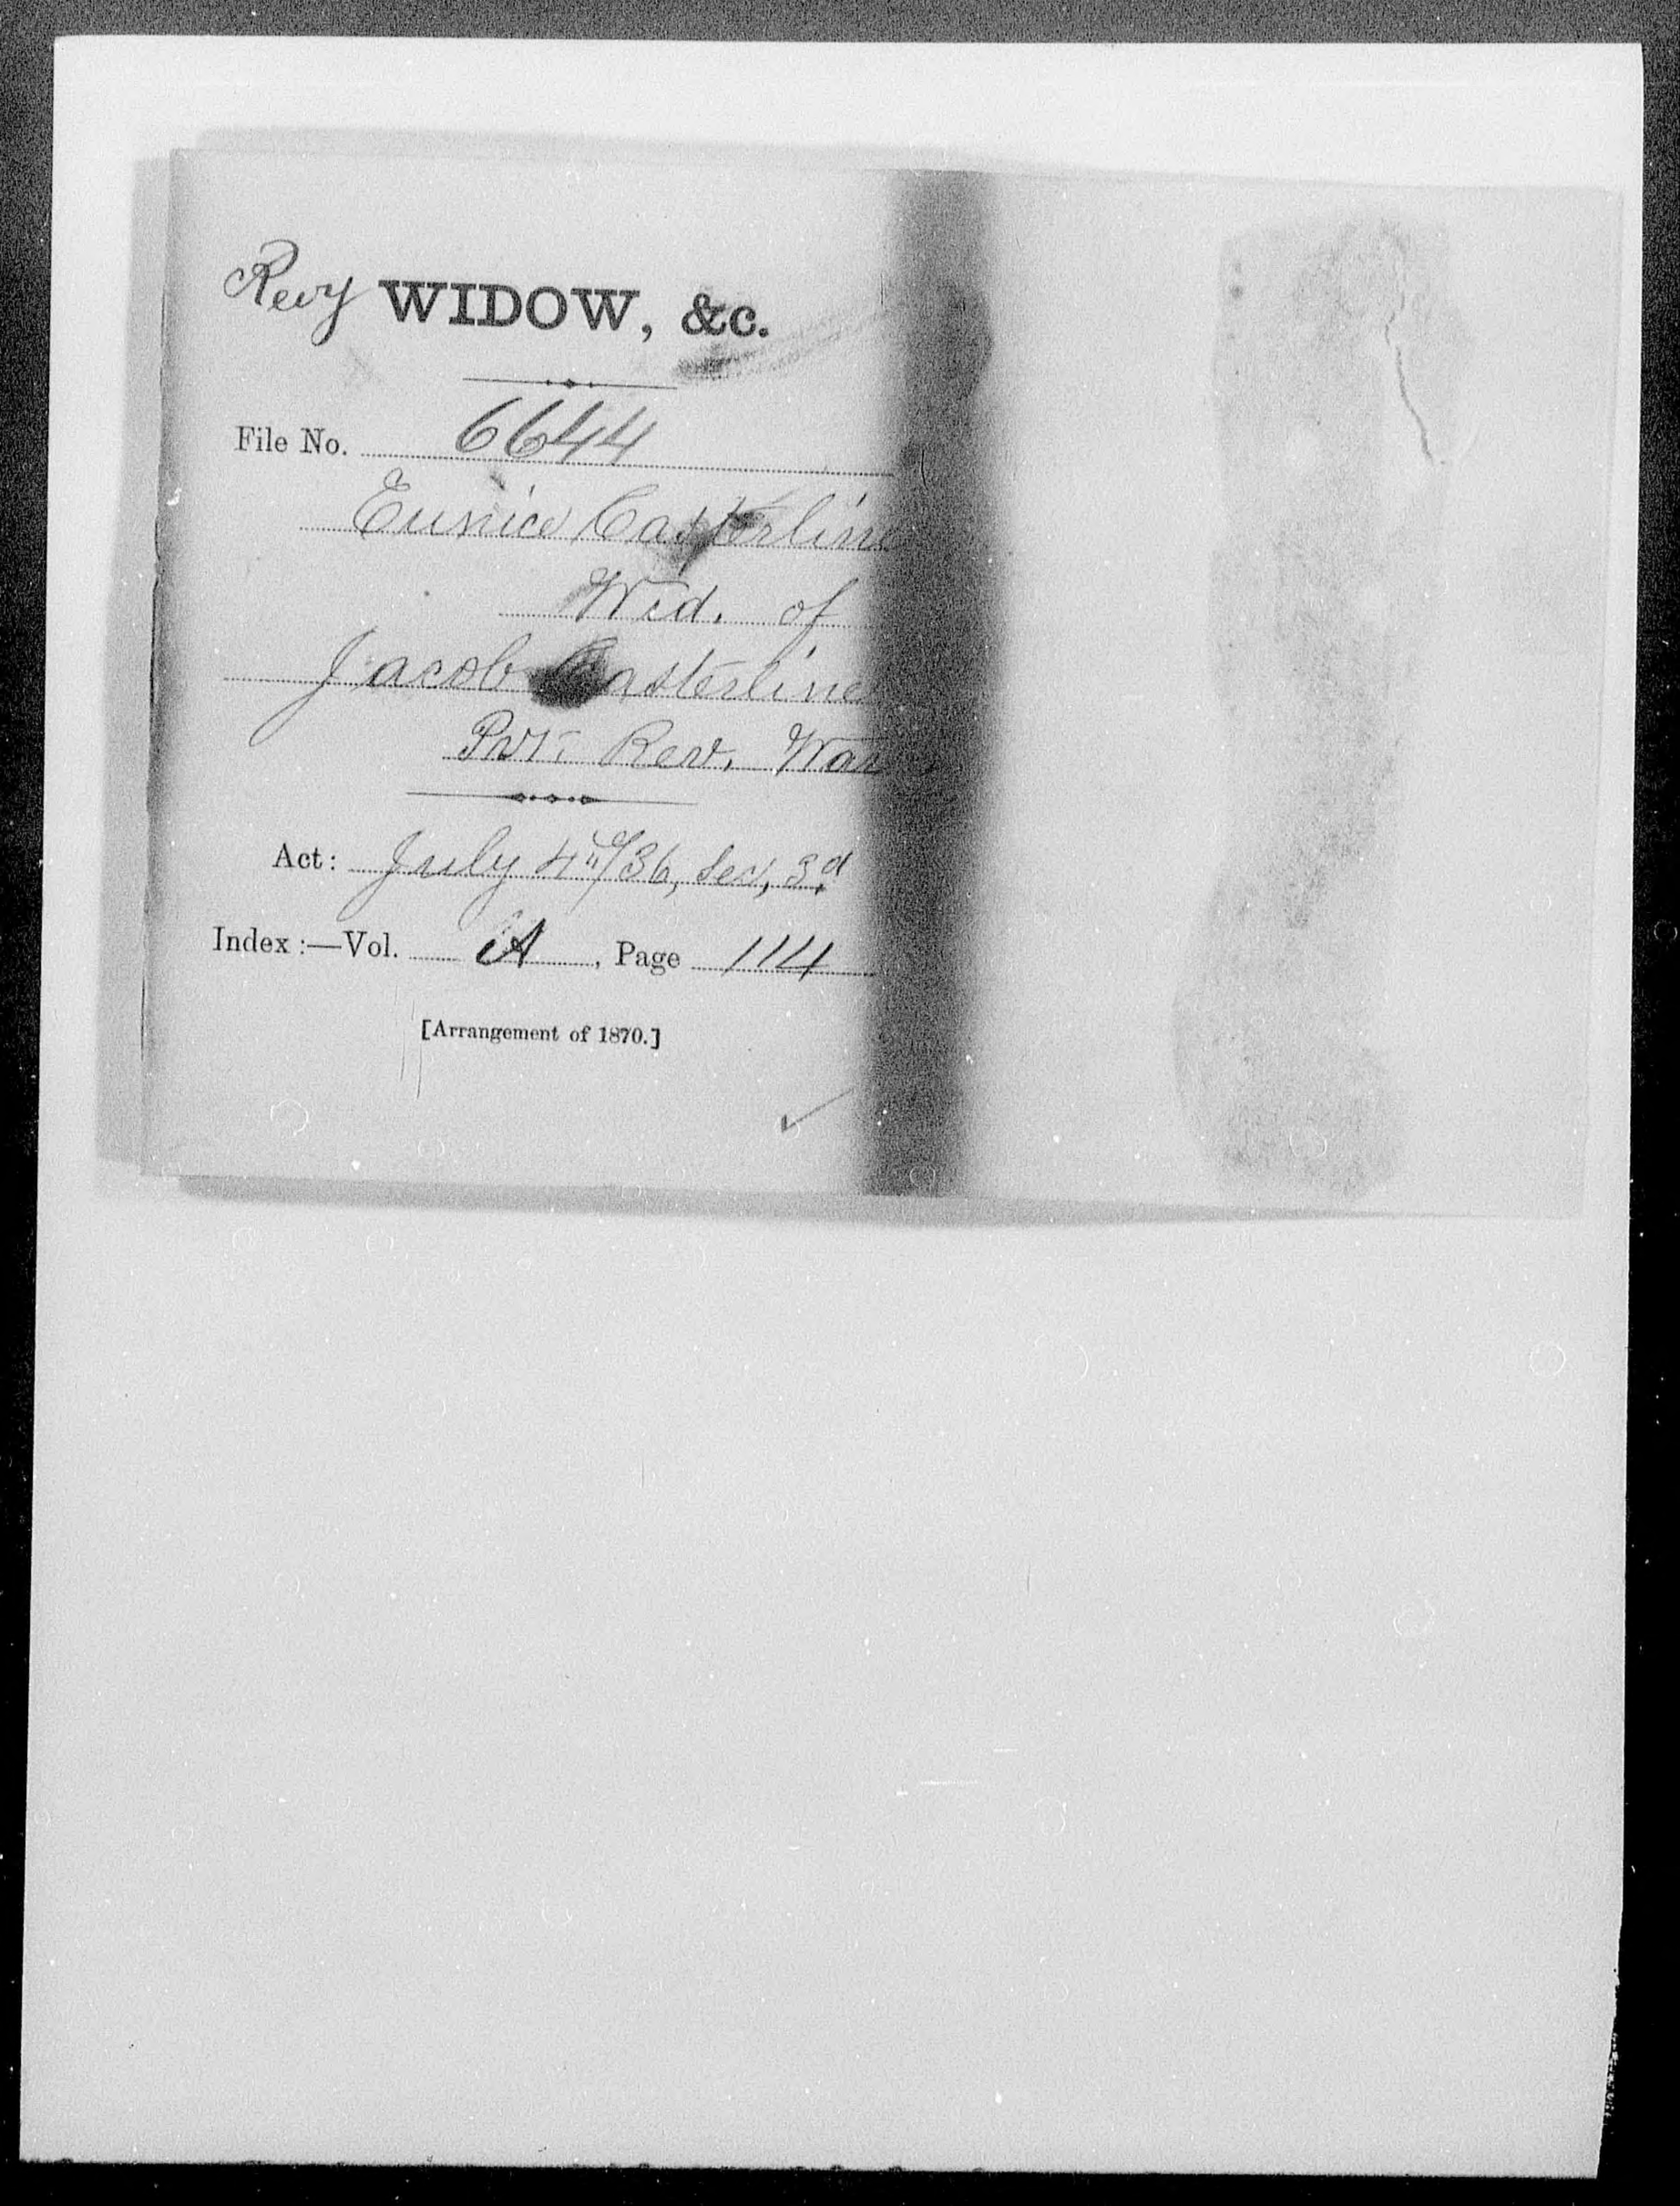Revy  Widow, &c.
File No. 6644
Eunice Casterline
Wid. of
Jacob Casterline
Pvt. Rev. War
Act July 4 1736, Sec 3
Index: - vol. A, Page 114

[Arrangement of 1870]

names: Jacob Casterline, Eunice Casterline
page: 14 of 38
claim: widow's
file: W. 6644, Jacob Casterline, New Jersey